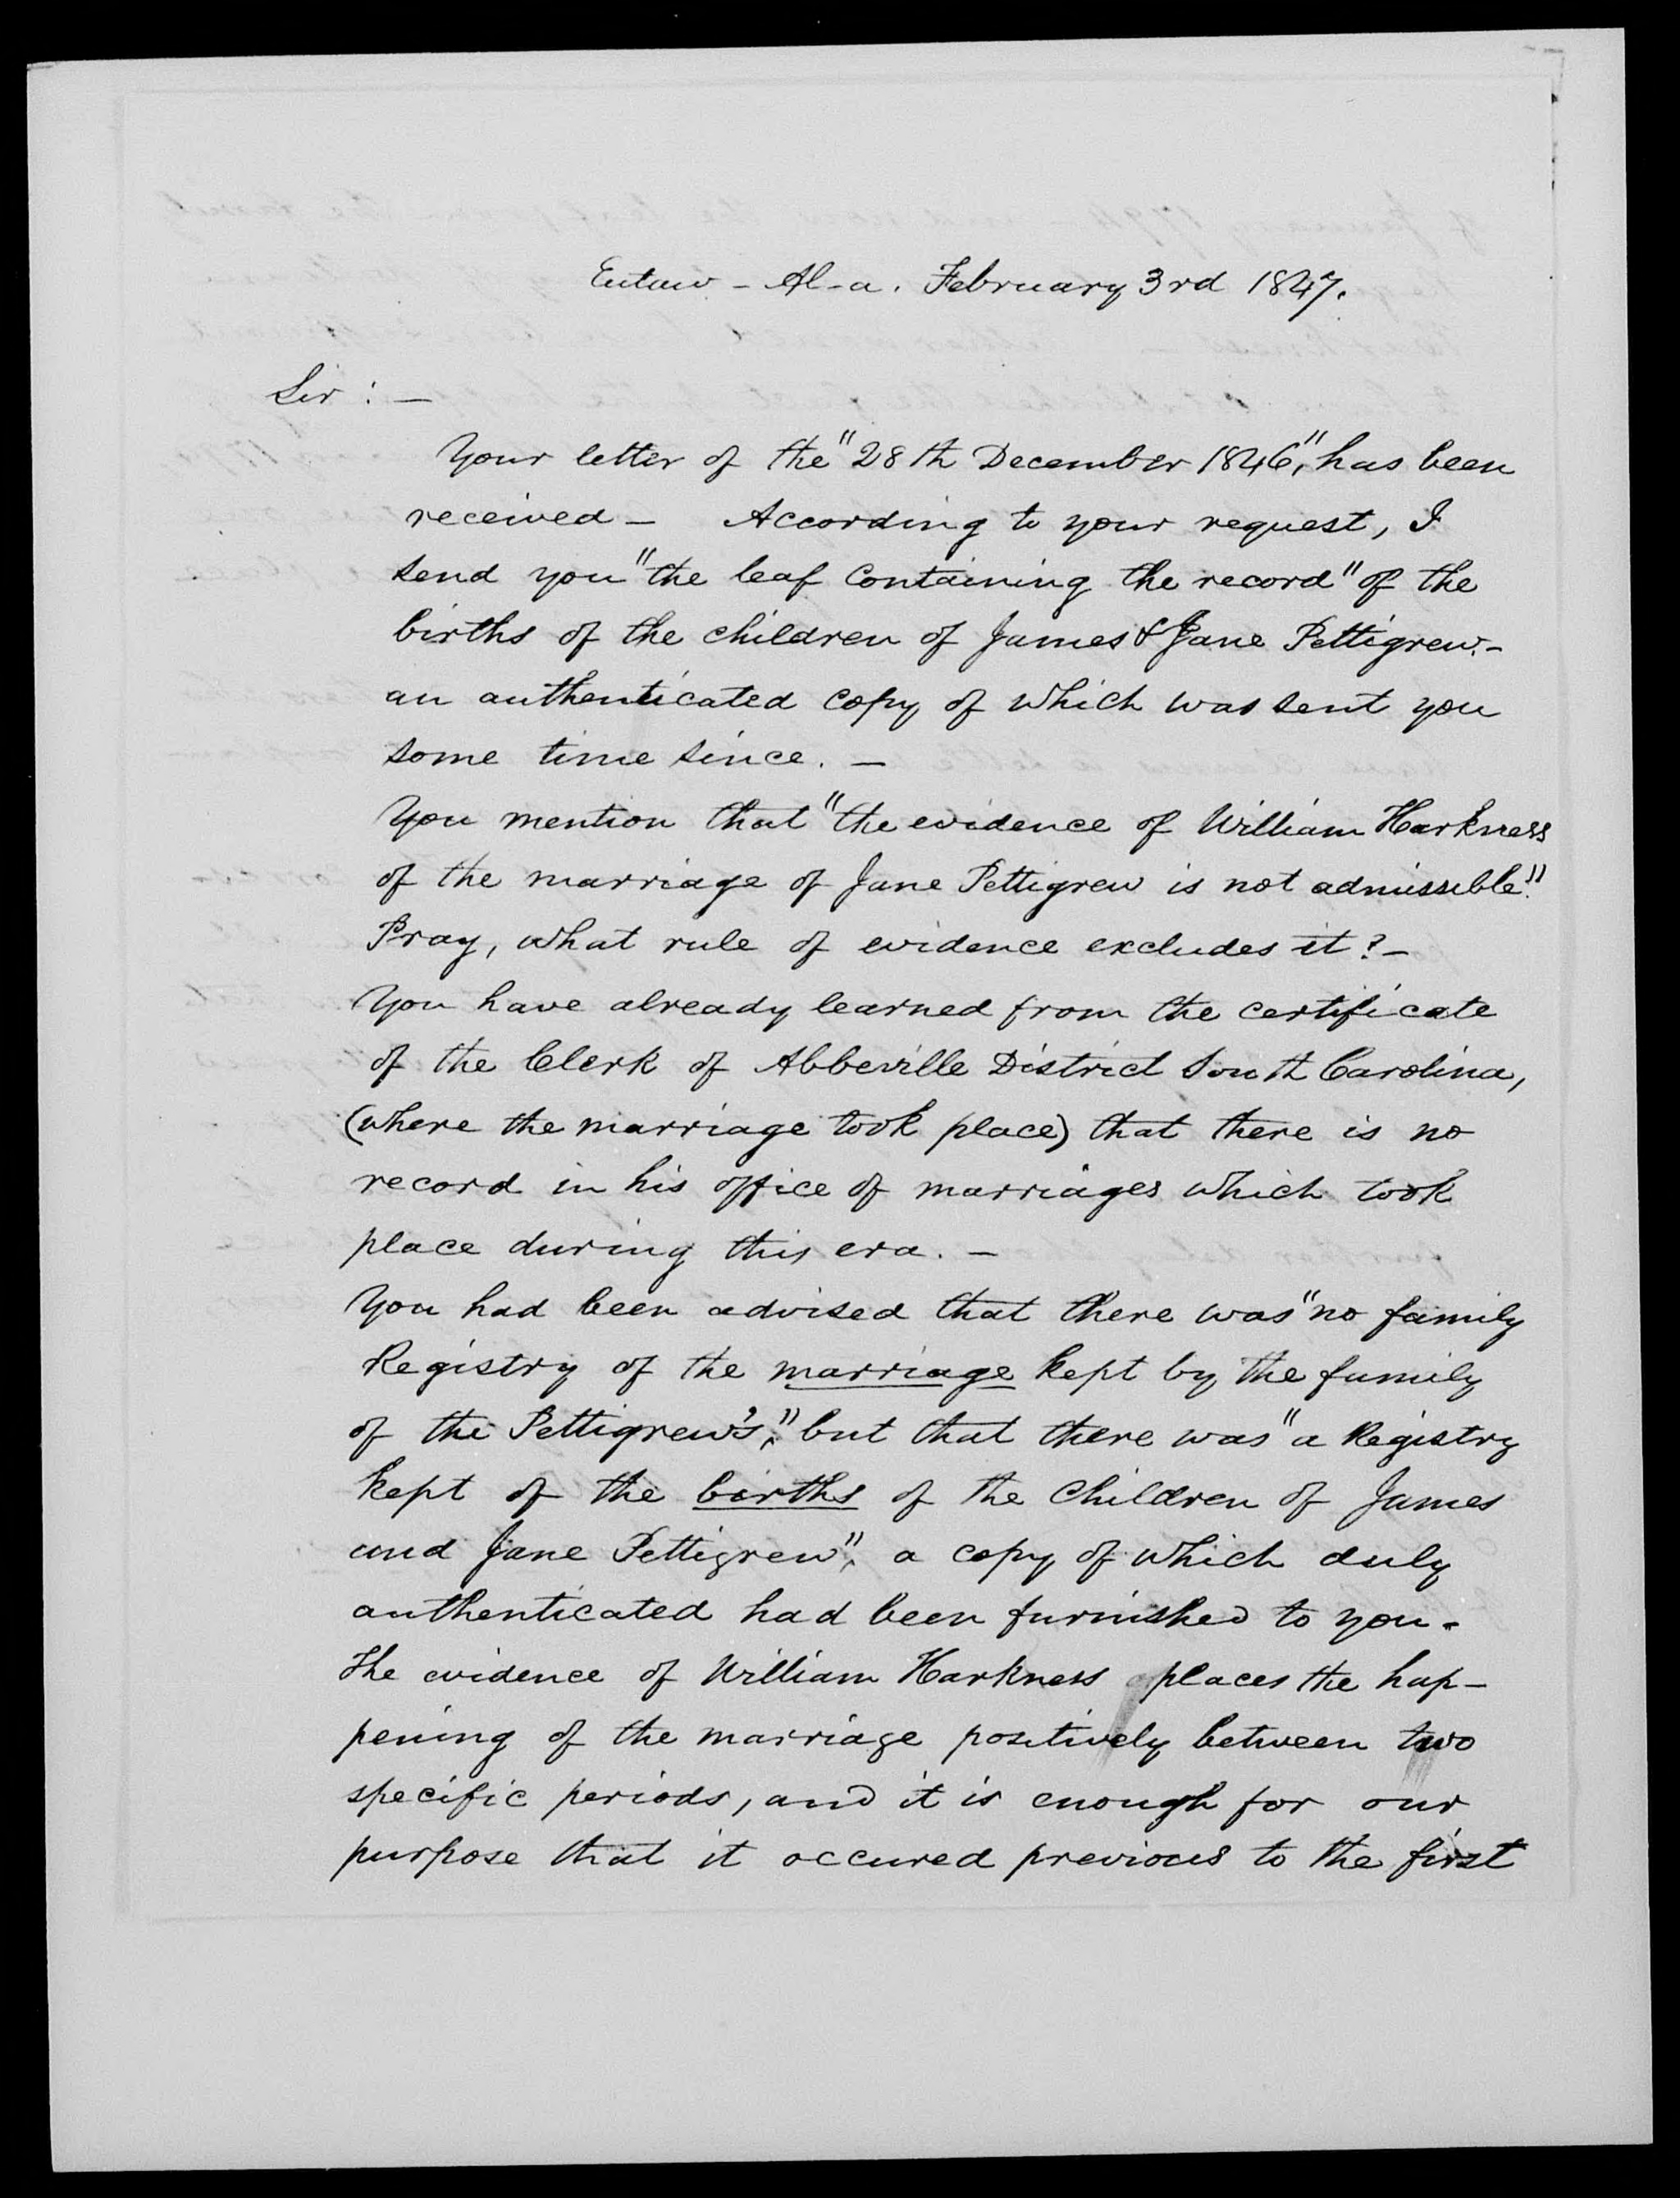Eutaw - Ala. February 3rd 1847.

Sir:-
Your letter of the "28th December 1846," has been received - According to you request, I send you "the leaf containing the record" of the births of the children of James & Jane Pettigrew. - an authenticated copy of which was sent you some time since. -
You mentioned that "the evidence of William Harkness of the marriage of Jane Pettigrew is not admissible." Pray, what rule of evidence excludes it? -
You have already learned from the certificate of the Clerk of Abbeville District South Carolina, (where the marriage took place) that there is no record in his office of marriages which took place during this era. -
You had been advised that there was "no family Registry of the marriage kept by the family of the Pettigrew's," but that there was "a Registry kept of the births of the children of James and Jane Pettigrew," a copy of which duly authenticated had been furnished to you the audience of William Harkness places the happening of the marriage positively between two specific periods, and it is enough for our purpose that it occurred previous to the first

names: William Harkness; Jane Pettigrew; James Pettigrew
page: 39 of 92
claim: widow's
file: W. 5522, for James Pettigrew, South Carolina